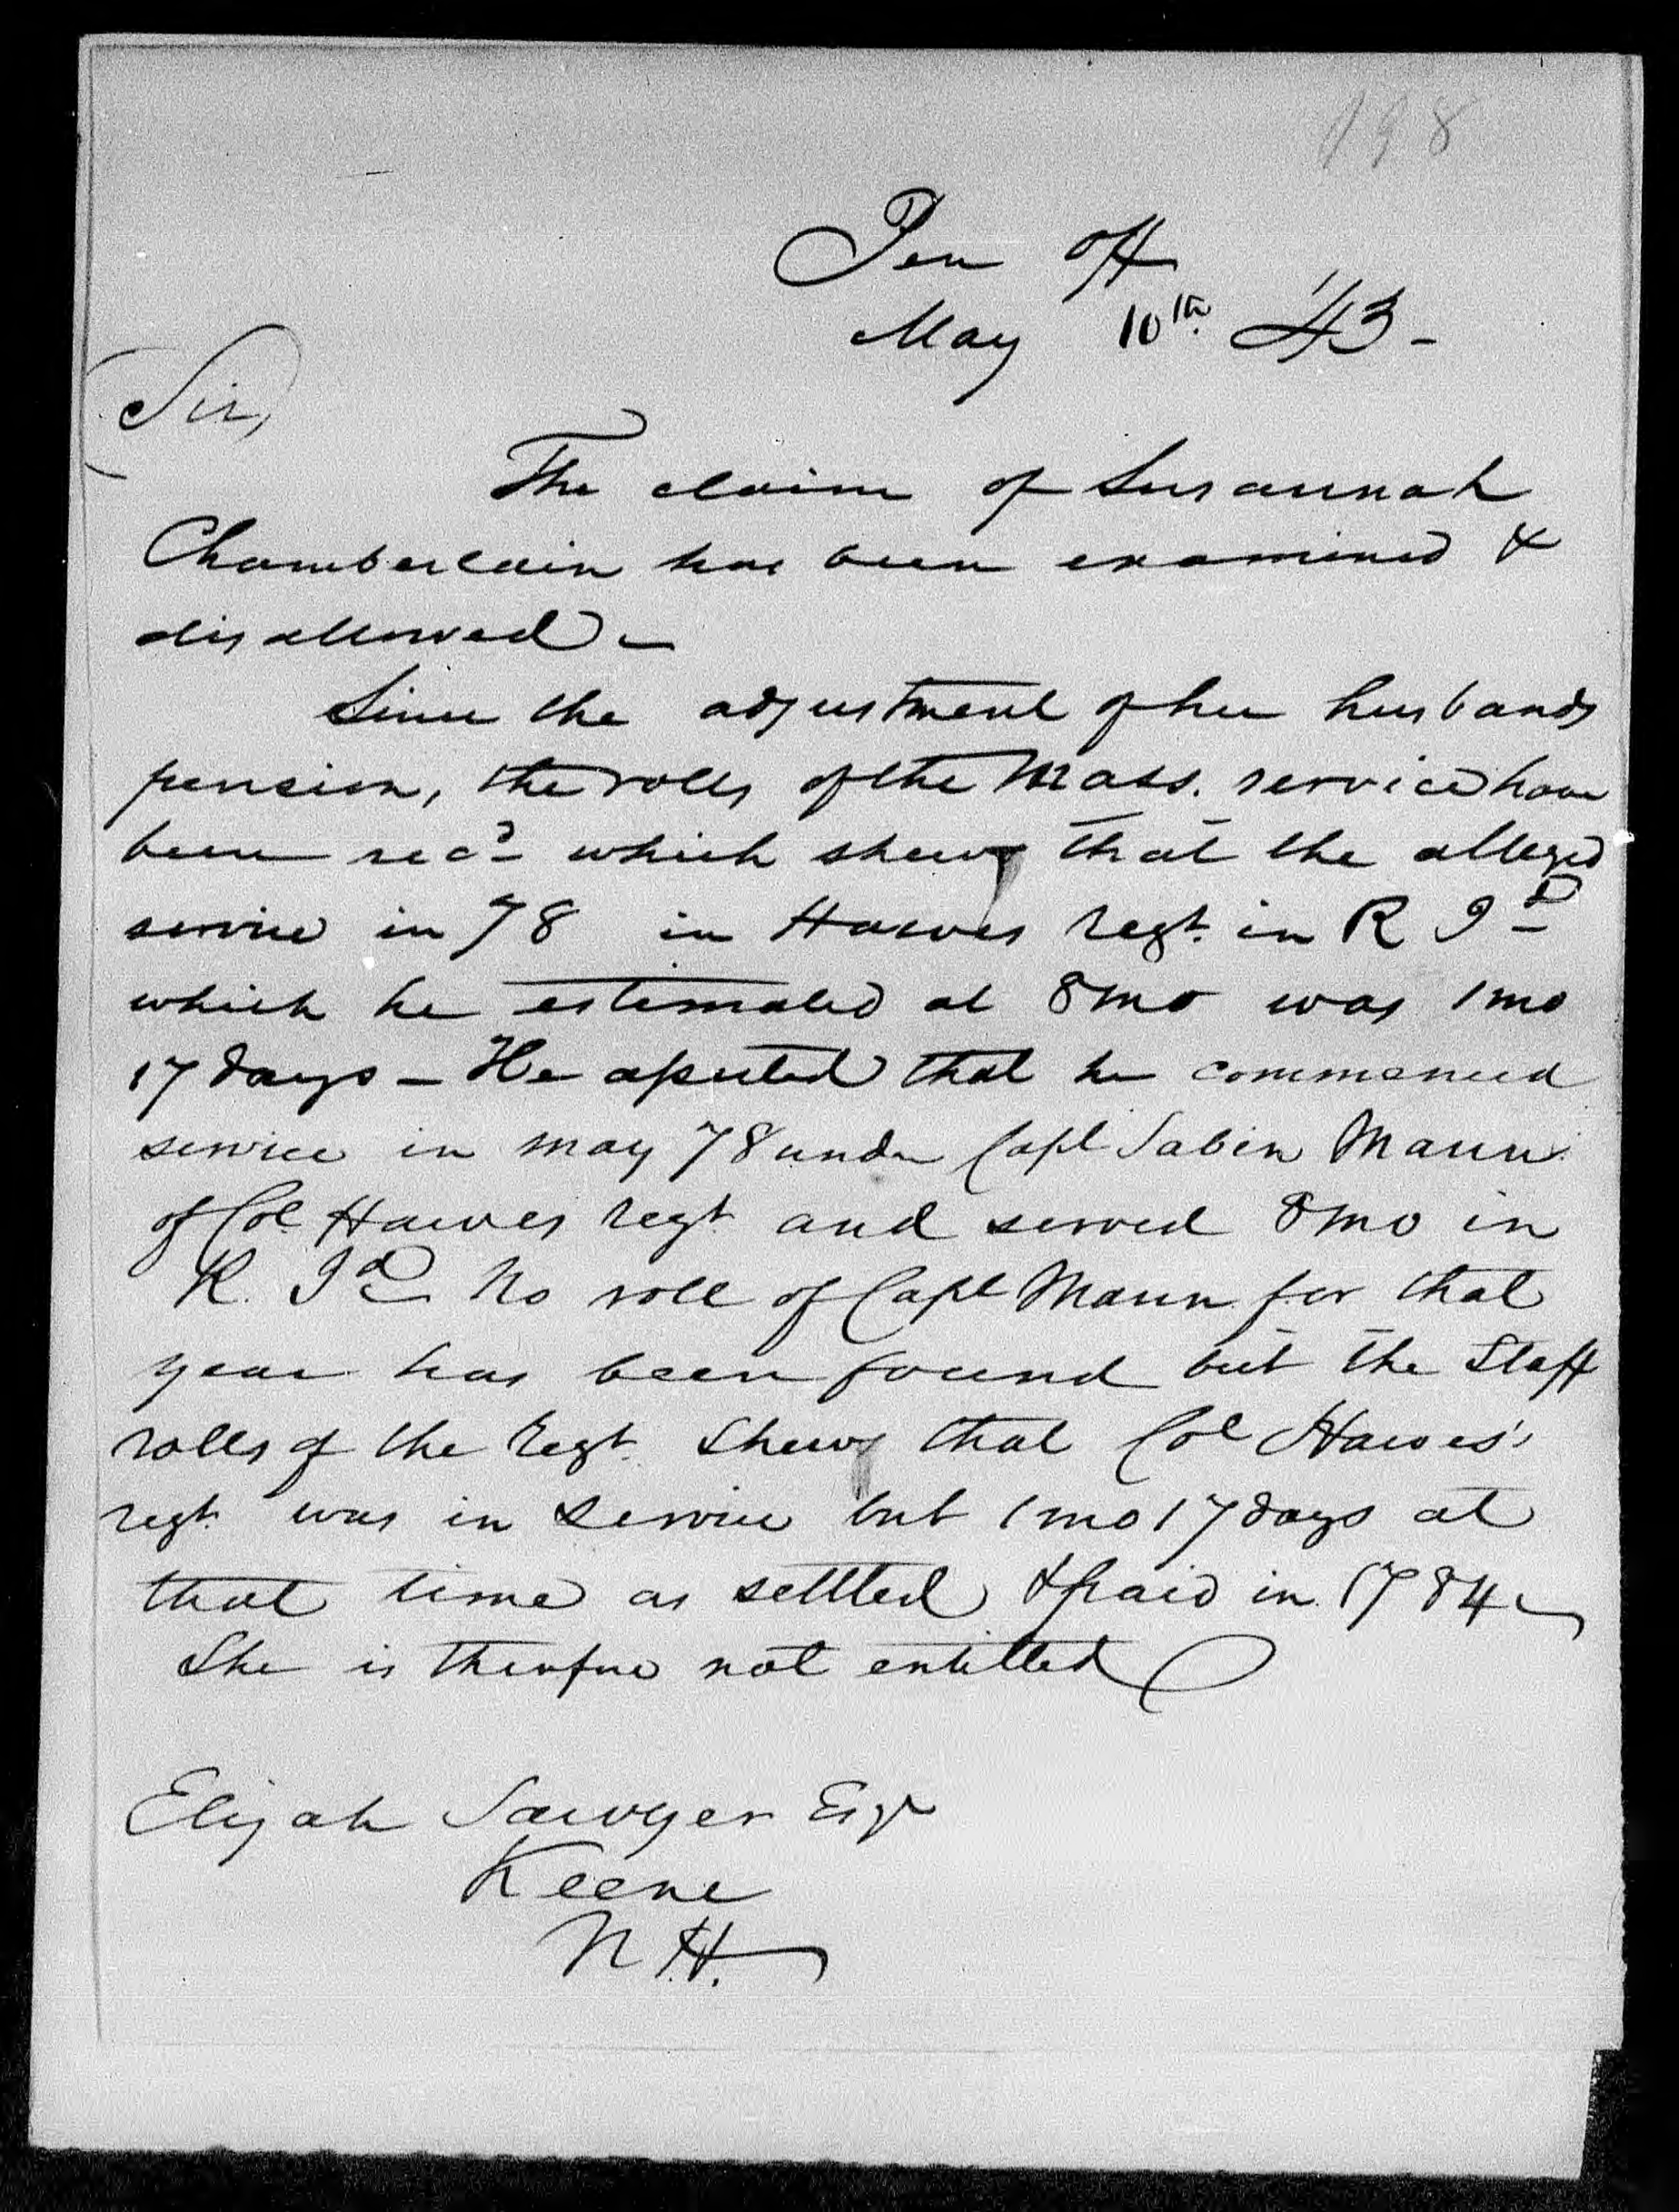198

Pen Off
May 10th  '43--

Sir,

The claim of Susannah Chamberlain has been examined & disallowed--

Since the adjustment of her husbands pension, the rolls of the Mass. service have been rec'd which show that the alleged service in 78 in Hawes reg't in R Id (Rhode Island)--which he estimated at 8 mo was 1 mo 17 days--He asserted that he commenced service in May 78 under Capt Sabin Mann of Col Hawes Regt and served 8 mo in R. Id (Rhode Island)   No roll of Capt Mann for that year has been found but the Staff rolls of the Regt show that Col Hawes' regt was in service but 1 mo 17 days at that time as settled & paid in 1784--

She is therefore not entitled

Elijah Sawyer Esqr.
Keene
N.H.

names: Susannah Chamberlain, Sabin Mann, Mann, Elijah Sawyer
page: 17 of 24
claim: rejected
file: R. 1835, Elisha Chamberlain, Mass.